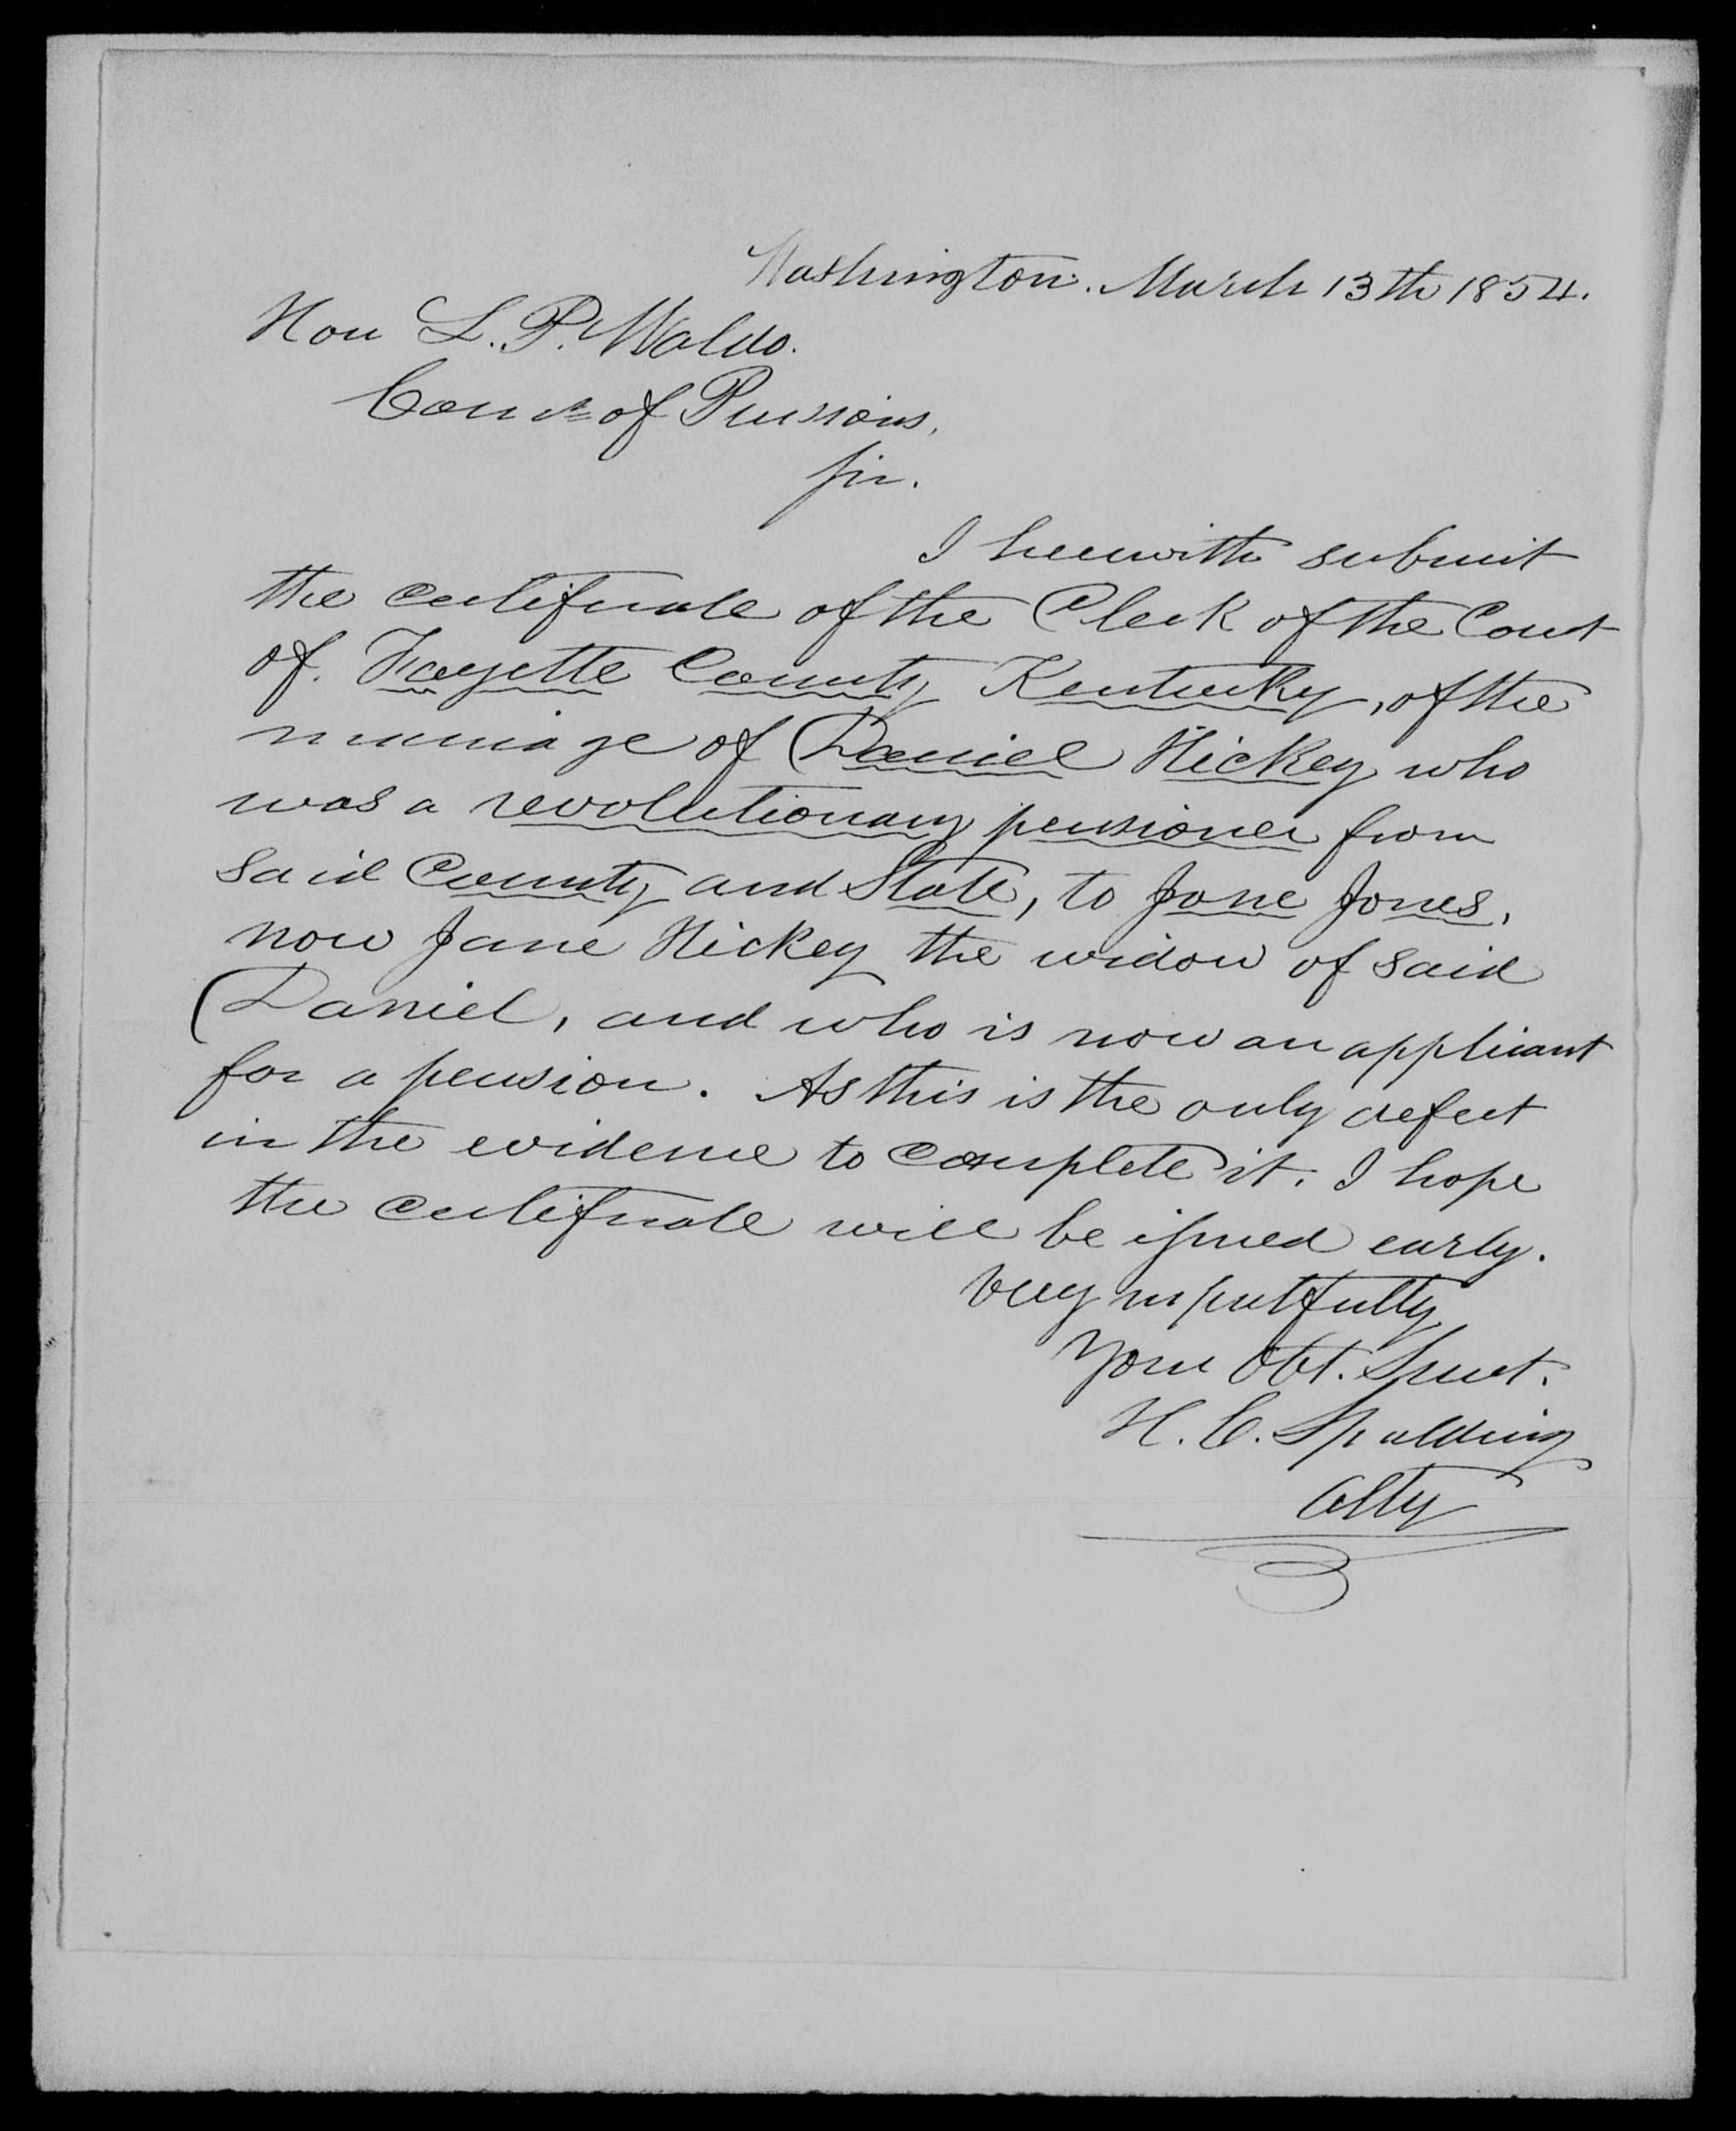Washington, March 13th 1854
Hon L. P. Waldo
Conn of Pensions
Sir
I herewith submit the certificate of the Clerk of the Court of Fayette County Kentucky of the
manage of Daniel Hickey who was a revolutionary pensioner from said County and State, to Jane Jones, now Jane Hickey the widow of said Daniel, and who is now an applicant for a pension. As this is the only defect in the evidence to complete it., I hope the certificate will be issued early.
Very respectfully
Your Obt Servt.
H.C. Spaulding
Atty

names: H C Spalding, Jane Hickey, Daniel Hickey, Daniel, Jane Jones, L P Waldo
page: 79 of 84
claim: widow's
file: W. 7744, Daniel Hickey, Penn.